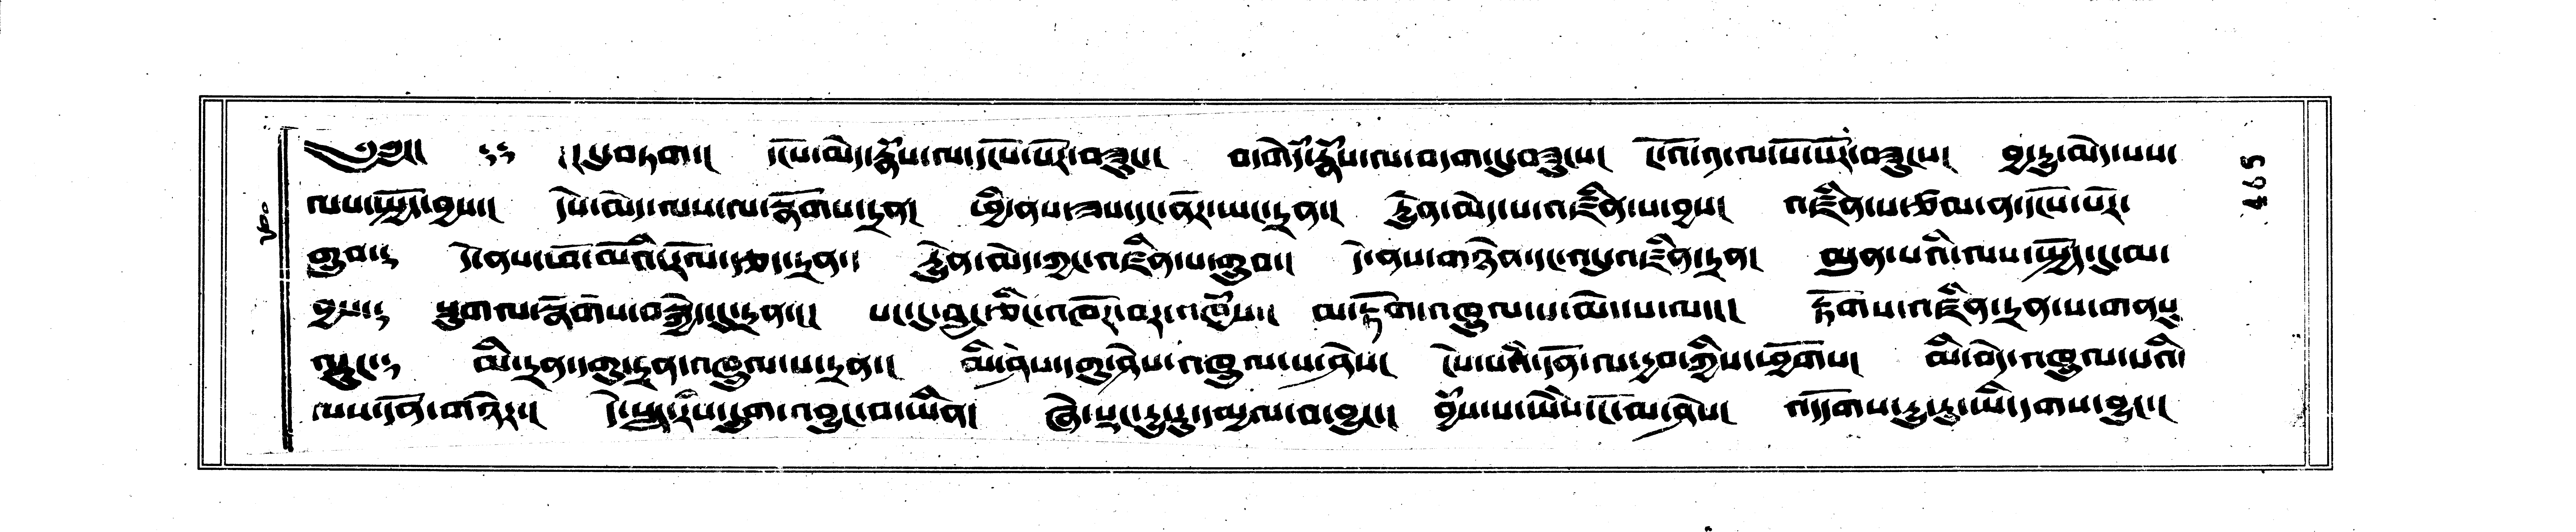དུ་བཏགས། དངོས་མེད་རྣམས་ལ་དངོས་པོར་བཟུང་། བདག་མེད་རྣམས་ལ་བདག་ཏུ་བཟུང་། ངོའོ་གཅིག་ལ་སོ་སོར་བཟུང་། བྱ་རྒྱུ་མེད་པའི་
ལས་སྤྱོད་བྱས། དཔེ་མེད་ལས་ལ་སྣ་ཚོགས་དྲན། ཕྱིས་ནས་ཟས་དང་ནོར་ཡང་དྲན། རྒྱུ་རྐྱེན་མེད་པས་འཛིན་པ་བྱ། འཛིན་པ་ཙམ་ནས་དངོས་པོར་
གྲུབ། དེ་ནས་ཕོ་མོ་རོལ་རྩེད་དྲན། རྒྱུ་རྐྱེན་མེད་པས་འཛིན་པ་གྲུབ། དེ་ནས་གཉན་དང་འདུ་འཛིན་དྲན། མུན་པའི་ལས་སྤྱོད་དུ་མ་
བྱས། སྡུག་བསྔལ་སྣ་ཚོགས་བསྐྱེད་དུ་དྲན། དང་དུ་བླངས་ཤིང་འཁོར་བར་འཁྱམས། མི་རྟོག་འཁྲུལ་པ་མེད་པ་ལ། རྟོག་འཛིན་དྲན་པས་གནས་སུ་
ལྟུང་། མི་དྲན་དགུ་དྲན་འཁྲུལ་པ་དྲན། མི་ཤེས་དགུ་ཤེས་འཁྲུལ་པ་ཤེས། ངེས་པའི་དོན་ལ་རྒྱབ་ཀྱིས་ཕྱོགས། མི་བདེ་འཁྲུལ་པའི་
ལས་དོན་གཉེན་”གཉེར”། དེ་བསླད་རིགས་དྲུག་འབྱུང་བ་ཡིན། ཞེ་སྡང་རྒྱུ་རུ་དམྱལ་བ་འབྱུང་། བྱམས་པའི་ཡེ་ཤེས་ངོ་མ་ཤེས། འདོད་ཆགས་རྒྱུ་རུ་ཡེ་དག་འབྱུང་།